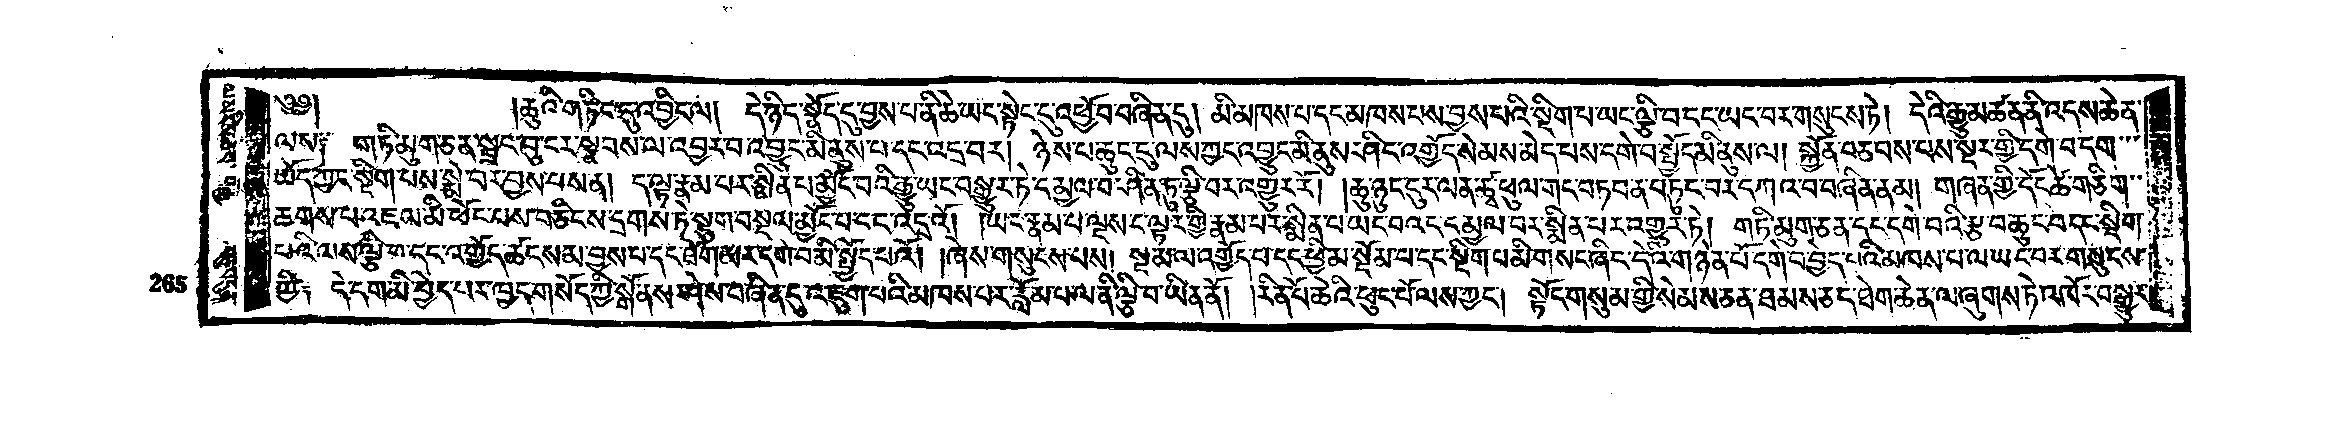༄༅། །ཆུའི་གཏིང་དུ་འབྱིང་ལ། དེ་ཉིད་སྣོད་དུ་བྱས་པ་ནི་ཆེ་ཡང་སྟེང་དུ་འཕྱོ་བ་བཞིན་དུ། མི་མཁས་པ་དང་མཁས་པས་བྱས་པའི་སྡིག་པ་ཡང་ལྕི་བ་དང་ཡང་བར་གསུངས་ཏེ། དེའི་རྒྱུ་མཚན་ནི་འདས་ཆེན་
ལས༑ གཏི་མུག་ཅན་སྤྲང་བུ་ངར་སྣབས་ལ་འབྱར་བ་འབྱུང་མི་ནུས་པ་དང་འདྲ་བར། ཉེས་པ་ཆུང་ངུ་ལས་ཀྱང་འབྱུང་མི་ནུས་ཤིང་འགྱོད་སེམས་མེད་པས་དགེ་བ་སྤྱོད་མི་ནུས་ལ། སྐྱོན་བཅབས་པས་སྔར་གྱི་དགེ་བ་དག་
ཡོད་ཀྱང་སྡིག་པས་སྨེ་བར་བྱས་པས་ན། ད་ལྟ་རྣམ་པར་སྨིན་པ་མྱོང་བའི་རྒྱུ་ཡང་བསྒྱུར་ཏེ་དམྱལ་བ་ཤིན་ཏུ་ལྕི་བར་འགྱུར་རོ། །ཆུ་ཉུང་ངུར་ལན་ཚྭ་ཕུལ་གང་བཏབ་ན་བཏུང་བར་དཀའ་བ་བཞིན་ནམ། གཞན་གྱི་དོང་ཚེ་གཅིག་
ཆགས་པ་འཇལ་མི་ཕོང་པས་བཅིངས་དྲགས་ཏེ་སྡུག་བསྔལ་མྱོང་བ་དང་འདྲའོ། །ཡང་རྣམ་པ་ལྔས་ད་ལྟར་གྱི་རྣམ་པར་སྨིན་པ་ཡང་བའང་དམྱལ་བར་སྨིན་པར་འགྱུར་ཏེ། གཏི་མུག་ཅན་དང་དགེ་བའི་རྩ་བ་ཆུང་བ་དང་སྡིག་
པའི་ལས་ལྕི་བ་དང་འགྱོད་ཚངས་མ་བྱས་པ་དང་ཐོག་མར་དགེ་བ་མི་སྤྱོད་པའོ། །ཞེས་གསུངས་པས། སྔ་མ་ལ་འགྱོད་པ་དང་ཕྱི་མ་སྡོམ་པ་དང་སྡིག་པ་མི་གསང་ཞིང་དེའི་གཉེན་པོ་དགེ་བ་བྱེད་པའི་མཁས་པ་ལ་ཡང་བར་གསུངས་
ཀྱི༑ དེ་དག་མི་བྱེད་པར་ཁྱད་གསོད་ཀྱི་སྒོ་ནས་ཤེས་བཞིན་དུ་འཇུག་པའི་མཁས་པར་རློམ་པ་ལ་ནི་ལྕི་བ་ཡིན་ནོ། །རིན་པོ་ཆེའི་ཕུང་པོ་ལས་ཀྱང་། སྟོང་གསུམ་གྱི་སེམས་ཅན་ཐམས་ཅད་ཐེག་ཆེན་ལ་ཞུགས་ཏེ་འཁོར་བསྒྱུར་